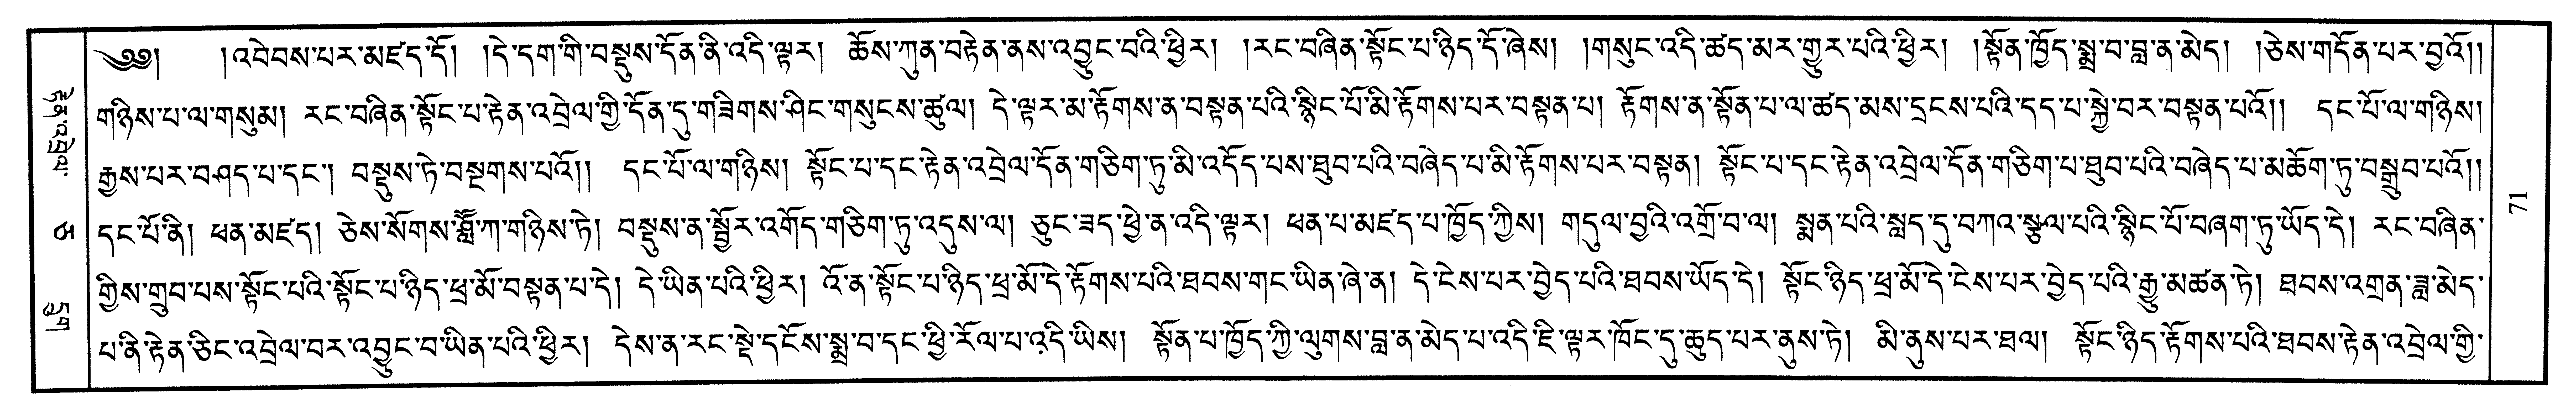༄༅། །འབེབས་པར་མཛད་དོ། །དེ་དག་གི་བསྡུས་དོན་ནི་འདི་ལྟར། ཆོས་ཀུན་བརྟེན་ནས་འབྱུང་བའི་ཕྱིར། །རང་བཞིན་སྟོང་པ་ཉིད་དོ་ཞེས། །གསུང་འདི་ཚད་མར་གྱུར་པའི་ཕྱིར། །སྟོན་ཁྱོད་སྨྲ་བ་བླ་ན་མེད། །ཅེས་གདོན་པར་བྱའོ།།
གཉིས་པ་ལ་གསུམ། རང་བཞིན་སྟོང་པ་རྟེན་འབྲེལ་གྱི་དོན་དུ་གཟིགས་ཤིང་གསུངས་ཚུལ། དེ་ལྟར་མ་རྟོགས་ན་བསྟན་པའི་སྙིང་པོ་མི་རྟོགས་པར་བསྟན་པ། རྟོགས་ན་སྟོན་པ་ལ་ཚད་མས་དྲངས་པའི་དད་པ་སྐྱེ་བར་བསྟན་པའོ།། དང་པོ་ལ་གཉིས།
རྒྱས་པར་བཤད་པ་དང་། བསྡུས་ཏེ་བསྔགས་པའོ།། དང་པོ་ལ་གཉིས། སྟོང་པ་དང་རྟེན་འབྲེལ་དོན་གཅིག་ཏུ་མི་འདོད་པས་ཐུབ་པའི་བཞེད་པ་མི་རྟོགས་པར་བསྟན། སྟོང་པ་དང་རྟེན་འབྲེལ་དོན་གཅིག་པ་ཐུབ་པའི་བཞེད་པ་མཆོག་ཏུ་བསྒྲུབ་པའོ།།
དང་པོ་ནི། ཕན་མཛད། ཅེས་སོགས་ཤླཽ་ཀ་གཉིས་ཏེ། བསྡུས་ན་སྦྱོར་འགོད་གཅིག་ཏུ་འདུས་ལ། ཅུང་ཟད་ཕྱེ་ན་འདི་ལྟར། ཕན་པ་མཛད་པ་ཁྱོད་ཀྱིས། གདུལ་བྱའི་འགྲོ་བ་ལ། སྨན་པའི་སླད་དུ་བཀའ་སྩལ་པའི་སྙིང་པོ་བཞག་ཏུ་ཡོད་དེ། རང་བཞིན་
གྱིས་གྲུབ་པས་སྟོང་པའི་སྟོང་པ་ཉིད་ཕྲ་མོ་བསྟན་པ་དེ། དེ་ཡིན་པའི་ཕྱིར། འོ་ན་སྟོང་པ་ཉིད་ཕྲ་མོ་དེ་རྟོགས་པའི་ཐབས་གང་ཡིན་ཞེ་ན། དེ་ངེས་པར་བྱེད་པའི་ཐབས་ཡོད་དེ། སྟོང་ཉིད་ཕྲ་མོ་དེ་ངེས་པར་བྱེད་པའི་རྒྱུ་མཚན་ཏེ། ཐབས་འགྲན་ཟླ་མེད་
པ་ནི་རྟེན་ཅིང་འབྲེལ་བར་འབྱུང་བ་ཡིན་པའི་ཕྱིར། དེས་ན་རང་སྡེ་དངོས་སྨྲ་བ་དང་ཕྱི་རོལ་པ་འདི་ཡིས། སྟོན་པ་ཁྱོད་ཀྱི་ལུགས་བླ་ན་མེད་པ་འདི་ཇི་ལྟར་ཁོང་དུ་ཆུད་པར་ནུས་ཏེ། མི་ནུས་པར་ཐལ། སྟོང་ཉིད་རྟོགས་པའི་ཐབས་རྟེན་འབྲེལ་གྱི་